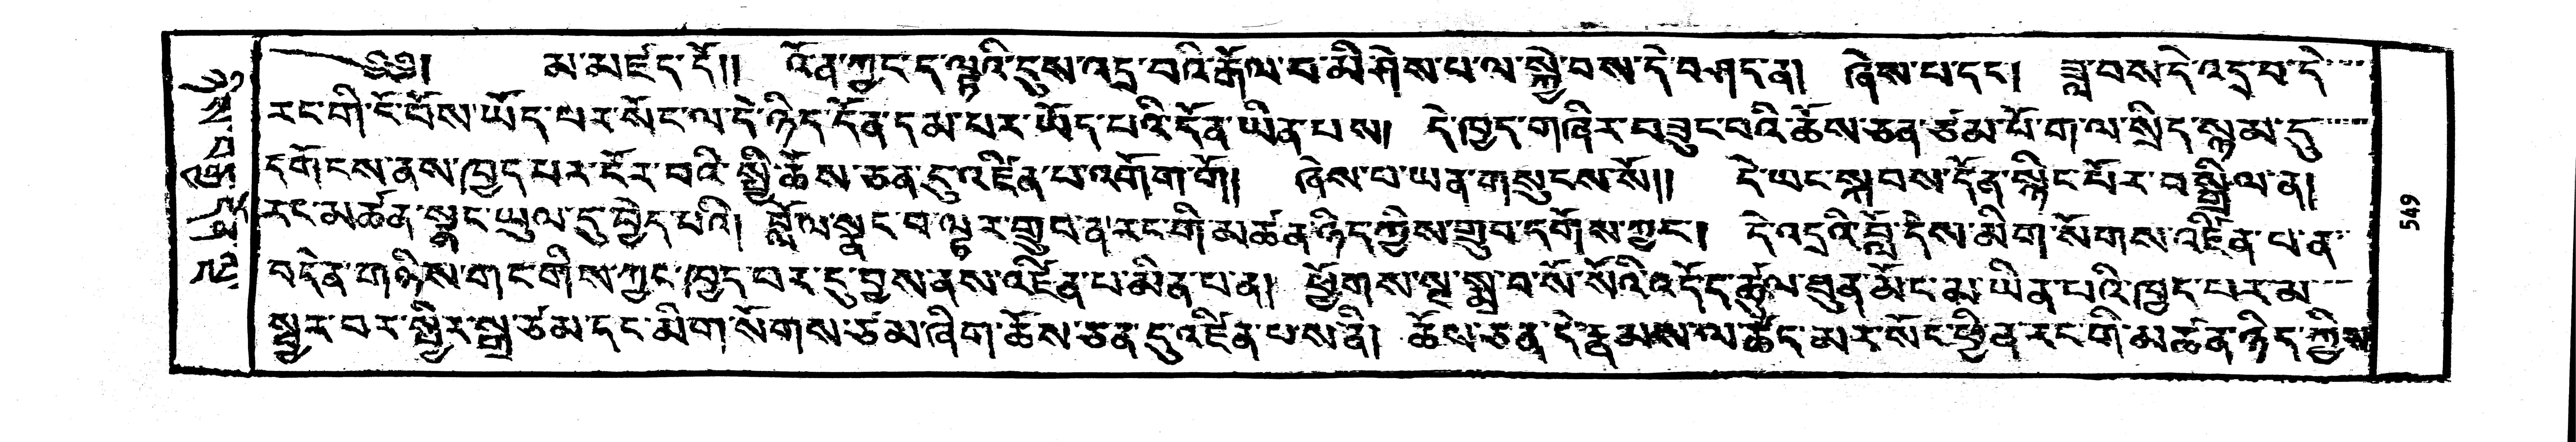།མ་མཛད་དོ། །འོ་ན་ཀྱང་ད་ལྟའི་དུས་འདྲ་བའི་རྒོལ་བ་མི་ཤེས་པ་ལ་སྐྱེ་བས་དེ་བཤད་ན། ཞེས་པ་དང་། ཟླ་བས་དེ་འདྲ་བ་དེ་
རང་གི་ངོ་བོས་ཡོད་པར་སོང་ལ་དེ་ཉིད་དོན་དམ་པར་ཡོད་པའི་དོན་ཡིན་པས། དེ་ཁྱད་གཞིར་བཟུང་བའི་ཆོས་ཅན་ཙམ་པོ་ག་ལ་སྲིད་སྙམ་དུ་
དགོངས་ནས་ཁྱད་པར་ངོར་བའི་སྤྱི་ཆོས་ཅན་དུ་འཛིན་པ་འགོག་གོ། །ཞེས་པ་ཡན་གསུངས་སོ། །དེ་ཡང་སྐབས་དོན་སྙིང་པོར་བསྒྲིལ་ན།
རང་མཚན་སྣང་ཡུལ་དུ་བྱེད་པའི། བློ་ལ་སྣང་བ་ལྟར་གྲུབ་ན་རང་གི་མཚན་ཉིད་ཀྱིས་གྲུབ་དགོས་ཀྱང་། དེ་འདྲའི་བློ་དེས་མིག་སོགས་འཛིན་པ་ན་
བདེན་གཉིས་གང་གིས་ཀྱང་ཁྱད་པར་དུ་བྱས་ནས་འཛིན་པ་མིན་པ་ན། ཕྱོགས་སྔ་སྨྲ་བ་སོ་སོའི་འདོད་ཚུལ་ཐུན་མོང་མ་ཡིན་པའི་ཁྱད་པར་མ་
སྦྱར་བར་སྤྱིར་སྒྲ་ཙམ་དང་མིག་སོགས་ཙམ་ཞིག་ཆོས་ཅན་དུ་འཛིན་པས་ནི། ཆོས་ཅན་དེ་རྣམས་ལ་ཚད་མར་སོང་ཕྱིན་རང་གི་མཚན་ཉིད་ཀྱིས་